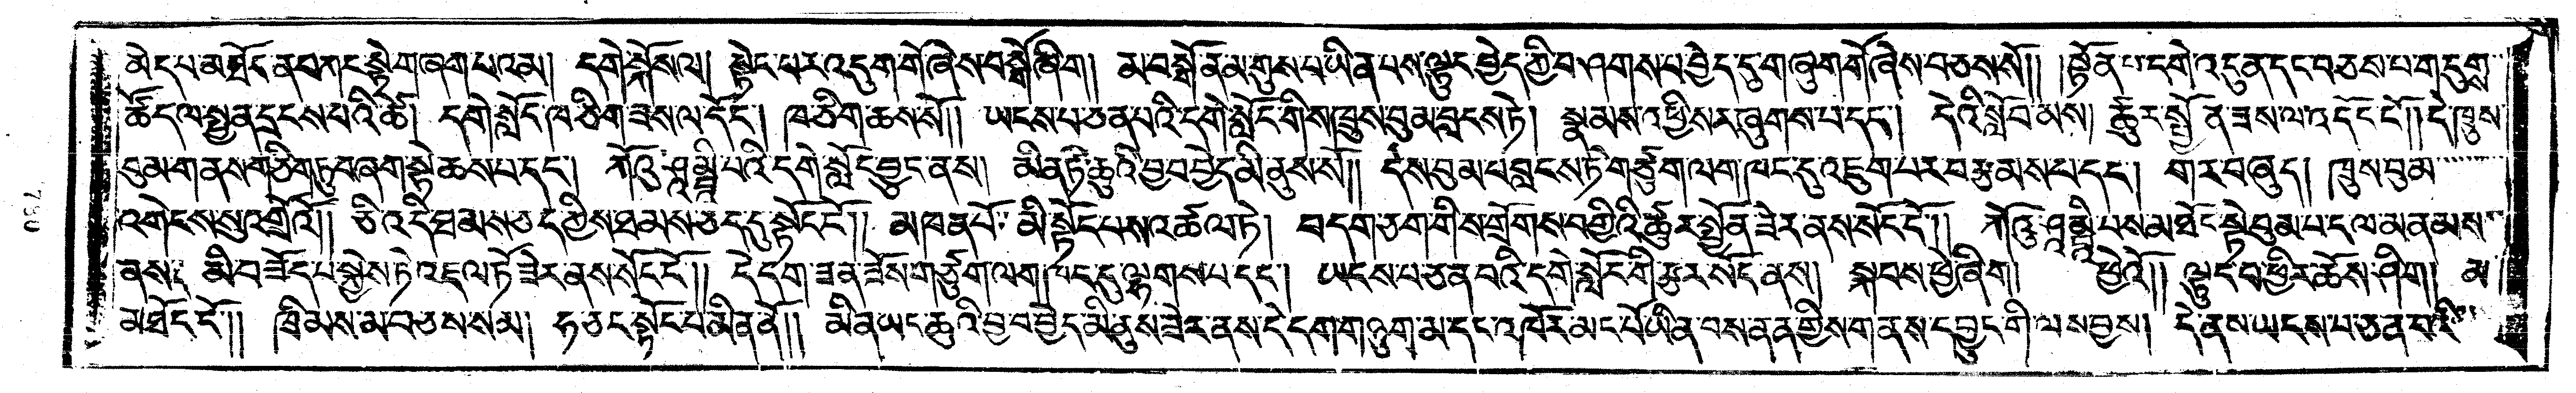མེད་པ་མཐོང་ན་བཀང་སྟེ་གཞག་པའམ། དགེ་སྐོས་ལ། སྟེང་པར་འདུག་གོ་ཞེས་བསྒོ་ཞིག། མ་བསྒོ་ན་མ་གུས་པ་ཡིན་པས་ལྟུང་བྱེད་ཀྱི་བཤགས་པ་བྱེད་དུ་གཞུག་གོ་ཞེས་བཅས་སོ།། །སྟོན་པ་དགེ་འདུན་དང་བཅས་པ་གདུགས་
ཚོད་ལ་སྤྱན་དྲངས་པའི་ཚེ། དགེ་སློང་ཁ་ཅིག་ཟས་ལ་དོང་། ཁ་ཅིག་ཆས་སོ།། ཡངས་པ་ཅན་པའི་དགེ་སློང་གིས་ཁྲུས་བུམ་བླངས་ཏེ། སྣམས་འཕྱི་སར་ཞུགས་པ་དང་། དེའི་སློབ་མས། ཚུར་སྤྱོན་ཟས་ལ་འདོང་ངོ།། དེ་ཁྲུས་
བུམ་གནས་གཅིག་ཏུ་བཞག་སྟེ་ཆས་པ་དང་། ཀོའུ་ཤཱམྦཱི་པའི་དགེ་སློང་བྱུང་ནས། མིན་ཏེ་ཆུའི་བྱ་བ་བྱེད་མི་ནུས་སོ།། དེས་བུམ་པ་བླངས་ཏེ་གཙུག་ལག་ཁང་དུ་འཇུག་པར་བརྩམས་པ་དང་། གར་བཞུད། ཁྲུས་བུམ་
འགེངས་སུ་འགྲོའོ།། ཅི་འདི་ཐམས་ཅད་ཀྱིས་ཐམས་ཅད་དུ་སྟོང་ངོ།། མཁན་པོ་མི་སྟོང་པས་འཚལ་ཏེ། བདག་ཅག་གིས་གྲོགས་བགྱིའི་ཚུར་སྤྱོན་ཟེར་ནས་སོང་ངོ།། ཀོའུ་ཤཱམྦཱི་པས་མཐོང་སྟེ་བུམ་པ་ང་ལ་མནམས་
ནས༑ མི་བཟོད་པ་སྐྱེས་ཏེ་འཇལ་ཏོ་ཟེར་ནས་སོང་ངོ།། དེ་དག་ཟན་ཟོས་གཙུག་ལག་ཁང་དུ་ལྷགས་པ་དང་། ཡངས་པ་ཅན་པའི་དགེ་སློང་གི་རྩར་སོང་ནས། སྐབས་ཕྱེ་ཞིག། ཕྱེའོ།། ལྟུང་བ་ཕྱིར་ཆོས་ཤིག། མ་
མཐོང་ངོ།། ཁྲིམས་མ་བཅས་སམ། ཧ་ཅང་སྟོང་པ་མིན་ནོ།། མིན་ཡང་ཆུའི་བྱ་བ་བྱེད་མི་ནུས་ཟེར་ནས་དེ་དག་གཉུག་མ་དང་འཁོར་མང་པོ་ཡིན་པས་ནན་གྱིས་གནས་དབྱུང་གི་ལས་བྱས། དེ་ནས་ཡངས་པ་ཅན་བའི་